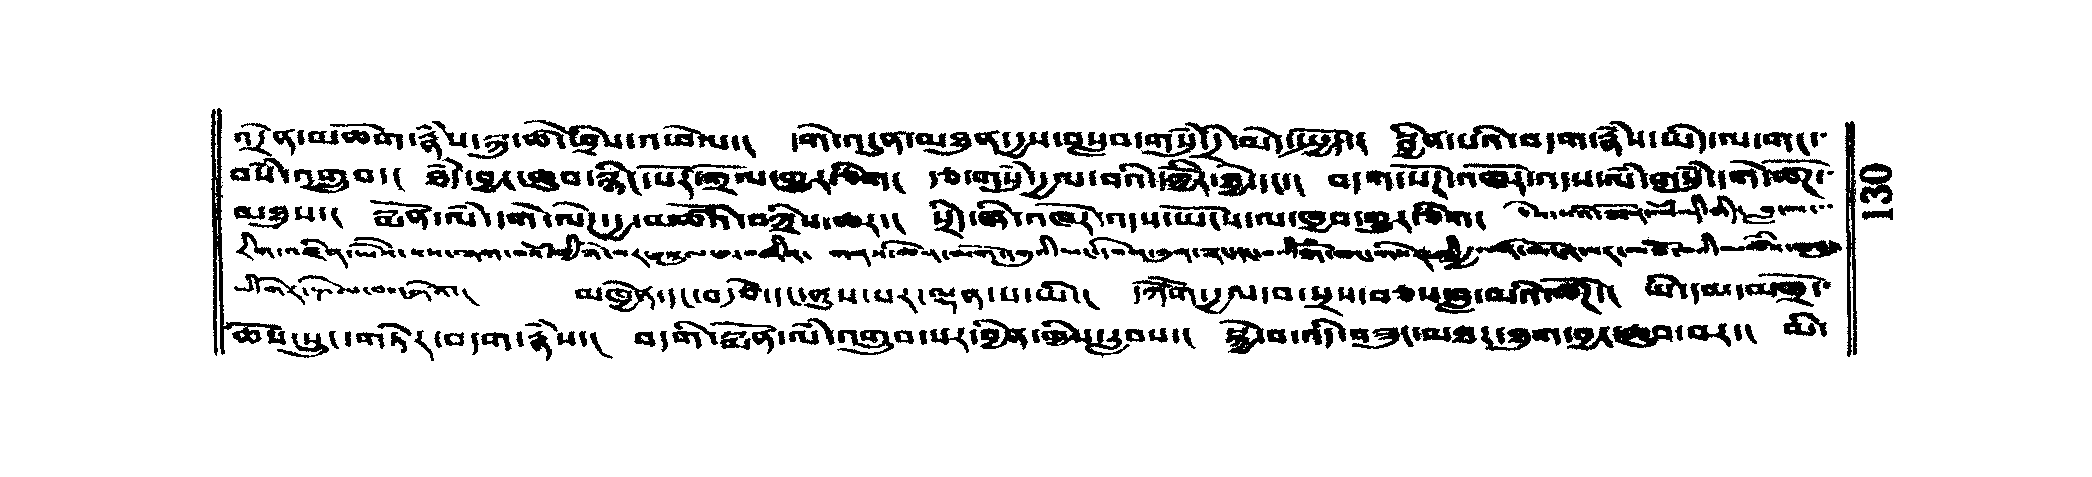འདྲེན་མཆོག་རྣམས་སྐུ་ཚེ་ཕྲིན་ལས་འཕེལ། །དགེ་འདུན་མཐུན་རྒྱས་བསླབ་གསུམ་དྲི་མེད་སྤྱོད། །སྦྱིན་པའི་བདག་རྣམས་ཡིད་ལ་གང་
བསམ་འགྲུབ། །ཐམས་ཅད་བྱང་ཆུབ་སྙིང་པོར་གྲོལ་གྱུར་ཅིག །རྩ་གསུམ་རྒྱལ་བའི་དཀྱིལ་འཁོར་ཐུགས་རྗེ་དང་། །བདག་སོགས་འཁོར་འདས་ལམ་གསུམ་དགེ་ཚོགས་
མཐུས། །སྨོན་ལམ་དགེ་ལེགས་རྒྱ་མཚོའི་བཀྲ་ཤིས་ཆར། །སྲིད་ཞི་འཁོར་འདས་ཡོངས་ལ་ཁྱབ་གྱུར་ཅིགཅེས་པའི་སྨོན་ལམ་འདི་ཉིད། བླ་མ་
རིག་འཛིན་ཡེ་ཤེས་པས་ལྷག་བསམ་གྱི་ཉེ་བར་བསྐུལ་བ་བཞིན། གནས་ཆེན་མགོ་དགུའི་ཡང་དབེན་ཀུན་སྣང་དང་བའི་སྒོམ་ཁང་གསེར་གྱི་རྒྱལ་མཚན་མངོན་པར་མཐོ་བའི་མཚམས་ཁང་དུ་
ཡི་གེར་སྤེལ་བ་དགེའོ།། མཁྱེན་དང་བརྩེ་དང་ནུས་པར་ལྡན་པ་ཡི། །དཀོན་མཆོག་རྒྱལ་བ་སྲས་བཅས་བླ་མའི་ཚོགས། །ཡི་དམ་མཁའ་འགྲོ་
ཆོས་སྲུང་གཏེར་བདག་རྣམས། །བདག་གི་སྨོན་ལམ་འགྲུབ་པར་བྱིན་གྱིས་རློབས། །སྐྱེ་བ་འདི་བཟུང་མཐར་ཐུག་བྱང་ཆུབ་བར། །མི་